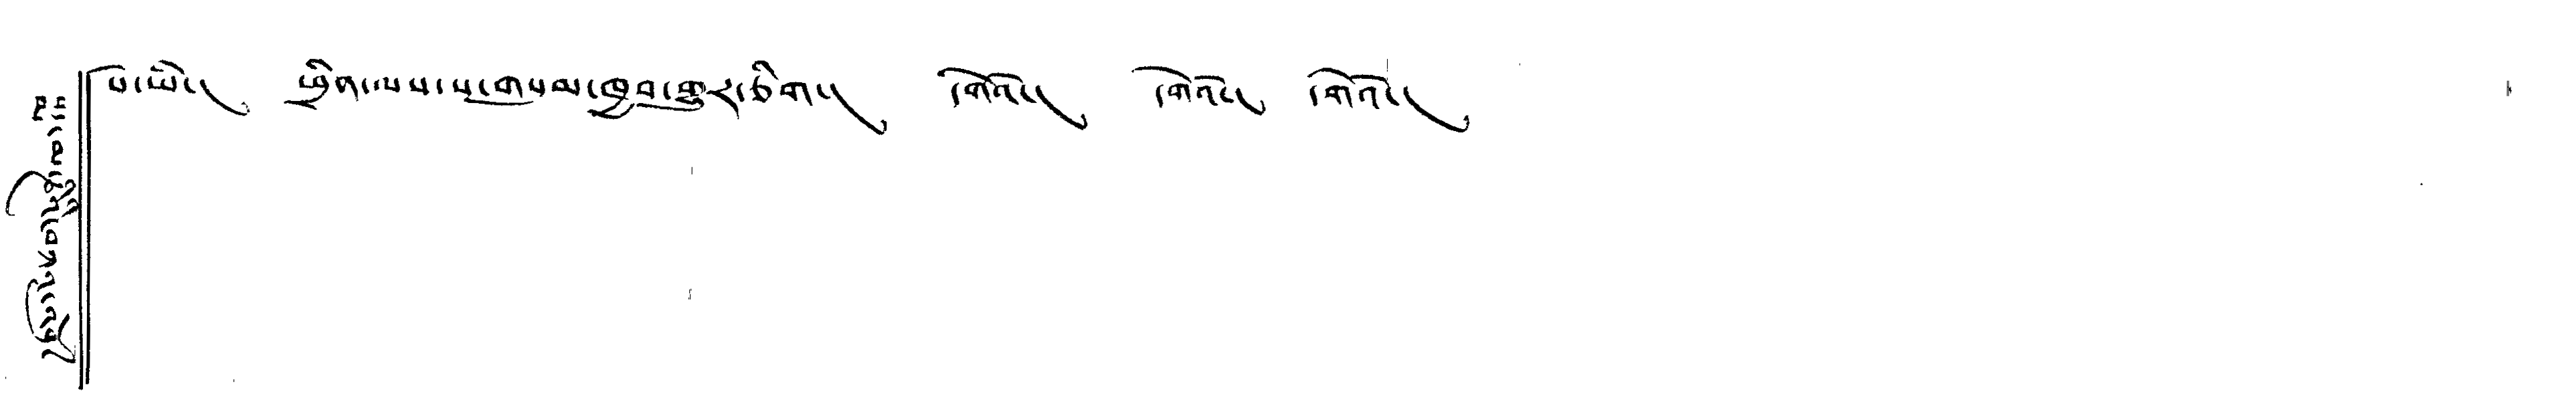པོ་ཡི། །ཕྲིན་ལས་ས་གསུམ་ཁྱབ་གྱུར་ཅིག དགེའོ།།